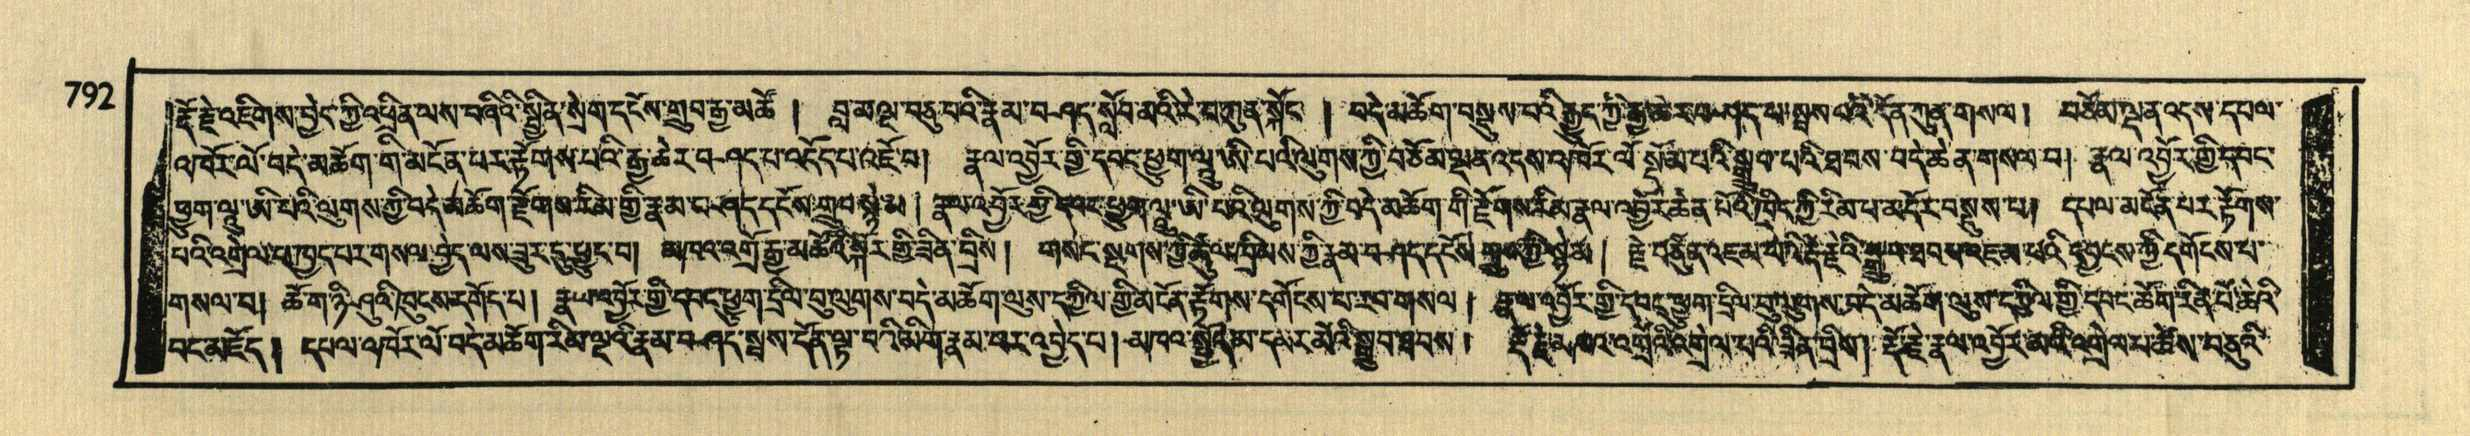རྡོ་རྗེ་འཇིགས་བྱེད་ཀྱི་འཕྲིན་ལས་བཞིའི་སྦྱིན་སྲེག་དངོས་གྲུབ་རྒྱ་མཚོ། བླ་མ་ལྔ་བཅུ་པའི་རྣམ་བཤད་སློབ་མའི་རེ་བ་ཀུན་སྐོང་། བདེ་མཆོག་བསྡུས་པའི་རྒྱུད་ཀྱི་རྒྱ་ཆེར་བཤད་པ་སྦས་པའི་དོན་ཀུན་གསལ། བཅོམ་ལྡན་འདས་དཔལ་
འཁོར་ལོ་བདེ་མཆོག་གི་མངོན་པར་རྟོགས་པའི་རྒྱ་ཆེར་བཤད་པ་འདོད་པ་འཇོ་བ། རྣལ་འབྱོར་གྱི་དབང་ཕྱུག་ལཱུ་ཨི་པའི་ལུགས་ཀྱི་བཅོམ་ལྡན་འདས་འཁོར་ལོ་སྡོམ་པའི་སྒྲུབ་པའི་ཐབས་བདེ་ཆེན་གསལ་བ། རྣལ་འབྱོར་གྱི་དབང་
ཕྱུག་ལཱུ་ཨི་པའི་ལུགས་ཀྱི་བདེ་མཆོག་རྫོགས་རིམ་གྱི་རྣམ་བཤད་དངོས་གྲུབ་སྙེ་མ། རྣལ་འབྱོར་གྱི་དབང་ཕྱུག་ལཱུ་ཨི་པའི་ལུགས་ཀྱི་བདེ་མཆོག་གི་རྫོགས་རིམ་རྣལ་འབྱོར་ཆེན་པོའི་ཁྲིད་ཀྱི་རིམ་པ་མདོར་བསྡུས་པ། དཔལ་མངོན་པར་རྟོགས་
པའི་འགྲེལ་པ་ཁྱད་པར་གསལ་བྱེད་ལས་ཟུར་དུ་ཕྱུང་བ། མཁའ་འགྲོ་རྒྱ་མཚོའི་སྐོར་གྱི་ཟིན་བྲིས། གསང་སྔགས་ཀྱི་ཚུལ་ཁྲིམས་ཀྱི་རྣམ་བཤད་དངོས་གྲུབ་ཀྱི་སྙེམ། རྗེ་བཙུན་འཇམ་དཔལ་རྡོ་རྗེའི་སྒྲུབ་ཐབས་འཇམ་པའི་དབྱངས་ཀྱི་དགོངས་པ་
གསལ་བ། ཆོ་ག་ཉི་ཤུའི་ཁུངས་དགོད་པ། རྣལ་འབྱོར་གྱི་དབང་ཕྱུག་དྲིལ་བུ་ལུགས་བདེ་མཆོག་ལུས་དཀྱིལ་གྱི་མངོན་རྟོགས་དགོངས་པ་རབ་གསལ། རྣལ་འབྱོར་གྱི་དབང་ཕྱུག་དྲིལ་བུ་ལུགས་བདེ་མཆོག་ལུས་དཀྱིལ་གྱི་དབང་ཆོག་རིན་པོ་ཆེའི་
བང་མཛོད། དཔལ་འཁོར་ལོ་བདེ་མཆོག་རིམ་ལྔའི་རྣམ་བཤད་སྦས་དོན་ལྟ་བའི་མིག་རྣམ་པར་འབྱེད་པ། མཁའ་སྤྱོད་མ་དམར་མོའི་སྒྲུབ་ཐབས། རྡོ་རྗེ་མཁའ་འགྲོའི་འགྲེལ་པའི་ཟིན་བྲིས། རྡོ་རྗེ་རྣལ་འབྱོར་མའི་འགྲེལ་པ་ཚེས་བཅུའི་